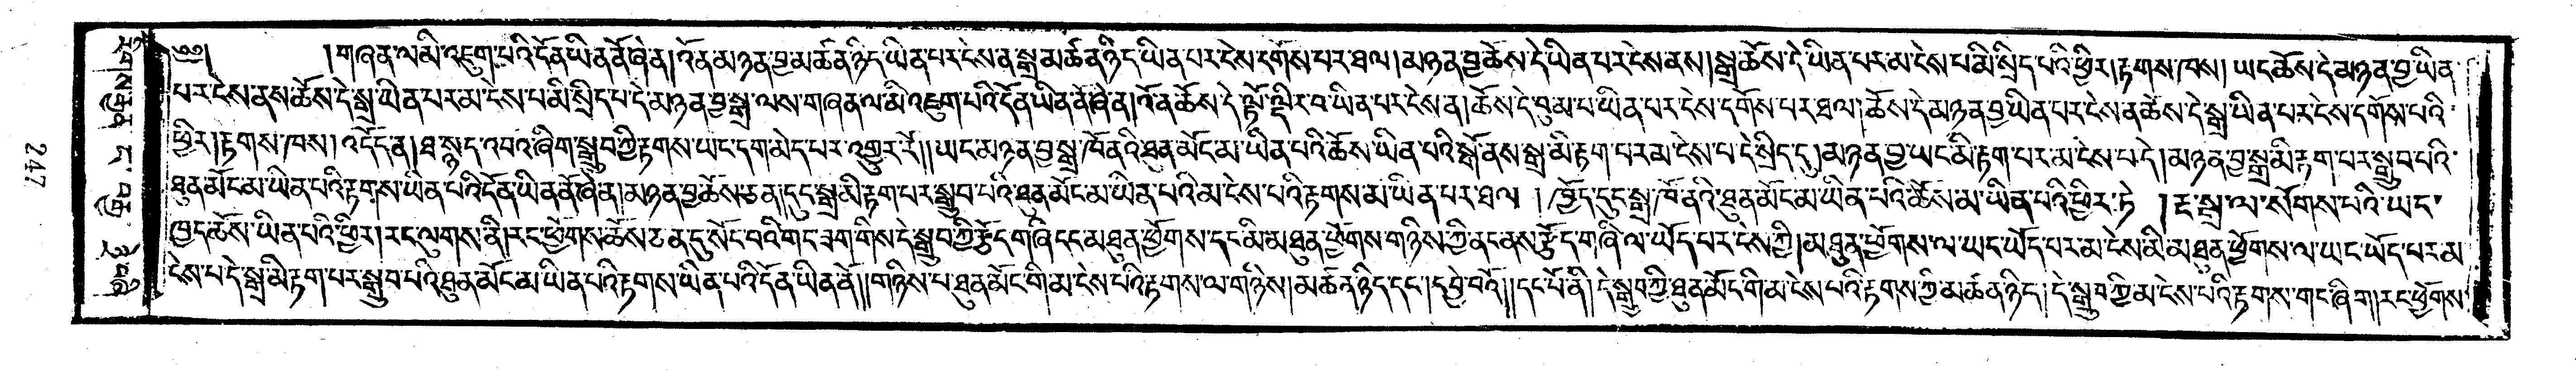༄༅། །གཞན་ལ་མི་འཇུག་པའི་དོན་ཡིན་ནོ་ཞེ་ན། འོ་ན་མཉན་བྱ་མཚན་ཉིད་ཡིན་པར་ངེས་ན་སྒྲ་མཚན་ཉིད་ཡིན་པར་ངེས་དགོས་པར་ཐལ། མཉན་བྱ་ཆོས་དེ་ཡིན་པར་ངེས་ནས། སྒྲ་ཆོས་དེ་ཡིན་པར་མ་ངེས་པ་མི་སྲིད་པའི་ཕྱིར། རྟགས་ཁས། ཡང་ཆོས་དེ་མཉན་བྱ་ཡིན་
པར་ངེས་ནས་ཆོས་དེ་སྒྲ་ཡིན་པར་མ་ངེས་པ་མི་སྲིད་པ་དེ་མཉན་བྱ་སྒྲ་ལས་གཞན་ལ་མི་འཇུག་པའི་དོན་ཡིན་ནོ་ཞེ་ན། འོ་ན་ཆོས་དེ་ལྟོ་ལྡིང་བ་ཡིན་པར་ངེས་ན། ཆོས་དེ་བུམ་པ་ཡིན་པར་ངེས་དགོས་པར་ཐལ། ཆོས་དེ་མཉན་བྱ་ཡིན་པར་ངེས་ན་ཆོས་དེ་སྒྲ་ཡིན་པར་ངེས་དགོས་པའི་
ཕྱིར། རྟགས་ཁས། འདོད་ན། ཐ་སྙད་འབའ་ཞིག་སྒྲུབ་ཀྱི་རྟགས་ཡང་དག་མེད་པར་འགྱུར་རོ། །ཡང་མཉན་བྱ་སྒྲ་ཁོ་ནའི་ཐུན་མོང་མ་ཡིན་པའི་ཆོས་ཡིན་པའི་སྒོ་ནས་སྒྲ་མི་རྟག་པར་མ་ངེས་པ་དེ་སྲིད་དུ། མཉན་བྱ་ཡང་མི་རྟག་པར་མ་ངེས་པ་དེ། མཉན་བྱ་སྒྲ་མི་རྟག་པར་སྒྲུབ་པའི་
ཐུན་མོང་མ་ཡིན་པའི་རྟགས་ཡིན་པའི་དོན་ཡིན་ནོ་ཞེ་ན། མཉན་བྱ་ཆོས་ཅན། དུང་སྒྲ་མི་རྟག་པར་སྒྲུབ་པའི་ཐུན་མོང་མ་ཡིན་པའི་མ་ངེས་པའི་རྟགས་མ་ཡིན་པར་ཐལ། ཁྱོད་དུང་སྒྲ་ཁོ་ནའི་ཐུན་མོང་མ་ཡིན་པའི་ཆོས་མ་ཡིན་པའི་ཕྱིར་ཏེ། རྔ་སྒྲ་ལ་སོགས་པའི་ཡང་
ཁྱད་ཆོས་ཡིན་པའི་ཕྱིར། རང་ལུགས་ནི། རང་ཕྱོགས་ཆོས་ཅན་དུ་སོང་བའི་གང་ཟག་གིས་དེ་སྒྲུབ་ཀྱི་རྩོད་གཞི་དང་མཐུན་ཕྱོགས་དང་མི་མཐུན་ཕྱོགས་གཉིས་ཀྱི་ནང་ནས་རྩོད་གཞི་ལ་ཡོད་པར་ངེས་ཀྱི། མཐུན་ཕྱོགས་ལ་ཡང་ཡོད་པར་མ་ངེས་མི་མཐུན་ཕྱོགས་ལ་ཡང་ཡོད་པར་མ་
ངེས་པ་དེ་སྒྲ་མི་རྟག་པར་སྒྲུབ་པའི་ཐུན་མོང་མ་ཡིན་པའི་རྟགས་ཡིན་པའི་དོན་ཡིན་ནོ། །གཉིས་པ་ཐུན་མོང་གི་མ་ངེས་པའི་རྟགས་ལ་གཉིས། མཚན་ཉིད་དང་། དབྱེ་བའོ། །དང་པོ་ནི། དེ་སྒྲུབ་ཀྱི་ཐུན་མོང་གི་མ་ངེས་པའི་རྟགས་ཀྱི་མཚན་ཉིད། དེ་སྒྲུབ་ཀྱི་མ་ངེས་པའི་རྟགས་གང་ཞིག །རང་ཕྱོགས་